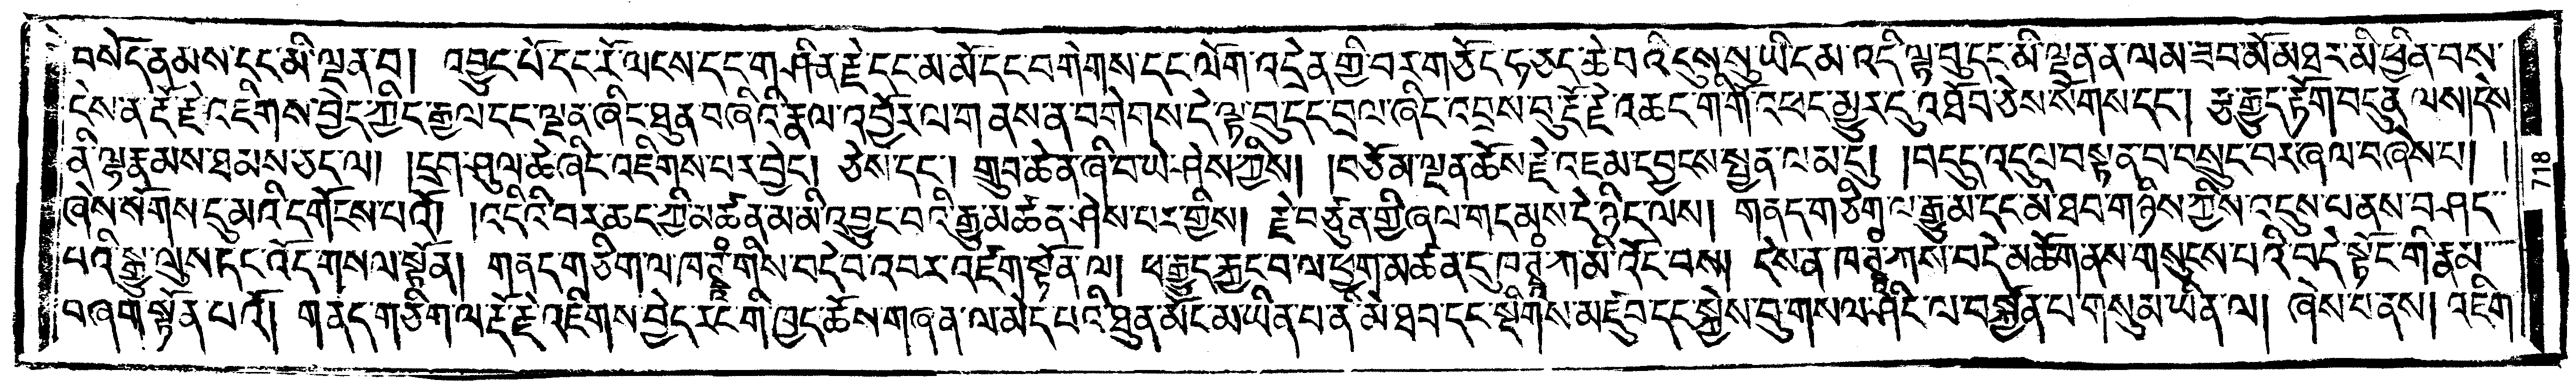བསོད་ནམས་དང་མི་ལྡན་པ། འབྱུང་པོ་དང་རོ་ལངས་དང་གཤིན་རྗེ་དང་མ་མོ་དང་བགེགས་དང་ལོག་འདྲེན་གྱི་བར་གཅོད་ཧ་ཅང་ཆེ་བའི་དུས་སུ་ཡི་དམ་འདི་ལྟ་བུ་དང་མི་ལྡན་ན་ལམ་ཟབ་མོ་མཐར་མི་ཕྱིན་བས་
དེས་ན་རྡོ་རྗེ་འཇིགས་བྱེད་ཀྱི་ང་རྒྱལ་དང་ལྡན་ཞིང་ཐུན་བཞིའི་རྣལ་འབྱོར་ལ་གནས་ན་བགེགས་དེ་ལྟ་བུ་དང་བྲལ་ཞིང་འབྲས་བུ་རྡོ་རྗེ་འཆང་གི་གོ་འཕང་མྱུར་དུ་འཐོབ་ཅེས་སོགས་དང་། རྩ་རྒྱུད་རྟོག་བདུན་ལས། དེས་
ནི་ལྷ་རྣམས་ཐམས་ཅད་ལ། །དྲག་ཤུལ་ཆེ་ཞིང་འཇིགས་པར་བྱེད། ཅེས་དང་། གྲུབ་ཆེན་ཞི་བ་ཡེ་ཤེས་ཀྱིས། །བཅོམ་ལྡན་ཆོས་རྗེ་འཇམ་དབྱངས་སྤྱན་ལམ་དུ། །བདུད་འདུལ་བསྟན་པ་བསྲུང་བར་ཞལ་བཞེས་པ། །
ཞེས་སོགས་དུ་མའི་དགོངས་པའོ། །འདིའི་བར་ཆད་ཀྱི་མཚན་མ་མི་འབྱུང་བའི་རྒྱུ་མཚན་ཤེས་པར་གྱིས། རྗེ་བཙུན་གྱི་ཞལ་གདམས་དེ་ཉིད་ལས། གནད་གཅིག་ལ་རྒྱུ་མ་དང་མི་ཐབ་གཉིས་ཀྱིས་འདུས་པ་ནས་བཤད་
པའི་སྒྱུ་ལུས་དང་འོད་གསལ་སྟོན། གནད་གཅིག་ལ་ཁ་ཊྭཱཾ་གིས་བདེ་བ་འབར་འཛག་སྟོན་ལ། ཕ་རྒྱུད་རྐྱང་བ་ལ་ཕྱག་མཚན་དུ་ཁ་ཊྭཱཾ་ཀ་མི་འོང་བས། དེས་ན་ཁ་ཊྭཱཾ་ཀས་བདེ་མཆོག་ནས་གསུངས་པའི་བདེ་སྟོང་གི་རྣམ་
བཞག་སྟོན་པའོ། གནད་གཅིག་ལ་རྡོ་རྗེ་འཇིགས་བྱེད་རང་གི་ཁྱད་ཆོས་གཞན་ལ་མེད་པའི་ཐུན་མོང་མ་ཡིན་པ་ནི་མེ་ཐབ་དང་སྡིགས་མཛུབ་དང་སྐྱེས་བུ་གསལ་ཤིང་ལ་བསྐྱོན་པ་གསུམ་ཡིན་ལ། ཞེས་པ་ནས། འཇིག་